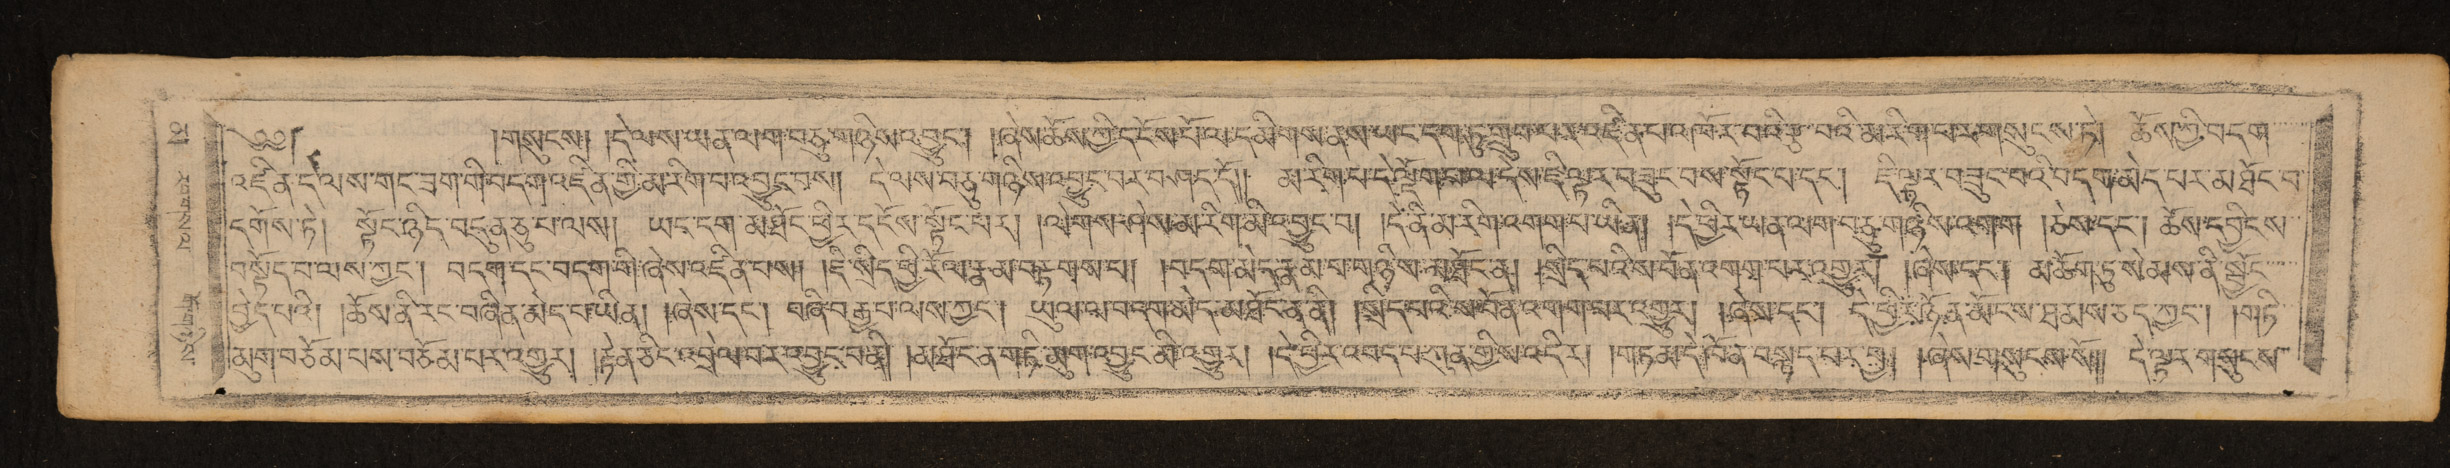༄༅། །གསུངས། །དེ་ལས་ཡང་ལག་བཅུ་གཉིས་འབྱུང་། །ཞེས་ཆོས་ཀྱི་དངོས་པོ་ལ་དམིགས་ནས་ཡང་དག་ཏུ་གྲུབ་པར་འཛིན་པ་འཁོར་བའི་རྩ་བའི་མ་རིག་པར་གསུངས་ཏེ། ཆོས་ཀྱི་བདག་
འཛིན་དེ་ལས་གང་ཟག་གི་བདག་འཛིན་གྱི་མ་རིག་པ་འབྱུང་བས། དེ་ལས་བཅུ་གཉིས་འབྱུང་བར་བཤད་དོ།། མ་རིག་པ་དེ་ལྡོག་པ་ལ་དེས་ཇི་ལྟར་བཟུང་བས་སྟོང་པ་དང་། ཇི་ལྟར་བཟུང་བའི་བདག་མེད་པར་མཐོང་བ་
དགོས་ཏེ། སྟོང་ཉིད་བདུན་ཅུ་པ་ལས། །ཡང་དག་མཐོང་ཕྱིར་དངོས་སྟོང་པར། །ལེགས་ཤེས་མ་རིག་མི་འབྱུང་བ། །དེ་ནི་མ་རིག་འགག་པ་ཡིན། །དེ་ཕྱིར་ཡན་ལག་བཅུ་གཉིས་འགག །ཅེས་དང་། ཆོས་དབྱིངས་
བསྟོད་པ་ལས་ཀྱང་། བདག་དང་བདག་གི་ཞེས་འཛིན་པས། །ཇི་སྲིད་ཕྱི་རོལ་རྣམ་བརྟགས་པ། །བདག་མེད་རྣམ་པ་གཉིས་མཐོང་ན། །སྲིད་པའི་ས་བོན་འགག་པར་འགྱུར། །ཞེས་དང་། མཆོག་ཏུ་སེམས་ནི་སྦྱོང་
བྱེད་པའི། །ཆོས་ནི་རང་བཞིན་མེད་པ་ཡིན། །ཞེས་དང་། བཞི་བརྒྱ་པ་ལས་ཀྱང་། ཡུལ་ལ་བདག་མེད་མཐོང་ན་ནི། །སྲིད་པའི་ས་བོན་འགག་པར་འགྱུར། །ཞེས་དང་། དེ་ཕྱིར་ཉོན་མོངས་ཐམས་ཅད་ཀྱང་། །གཏི་
མུག་བཅོམ་པས་བཅོམ་པར་འགྱུར། །རྟེན་ཅིང་འབྲེལ་བར་འབྱུང་བ་ནི། །མཐོང་ན་གཏི་མུག་འབྱུང་མི་འགྱུར། །དེ་ཕྱིར་འབད་པ་ཀུན་གྱིས་འདིར། །གཏམ་དེ་ཁོ་ན་བསྙད་པར་བྱ། །ཞེས་གསུངས་སོ།། དེ་ལྟར་གསུངས་